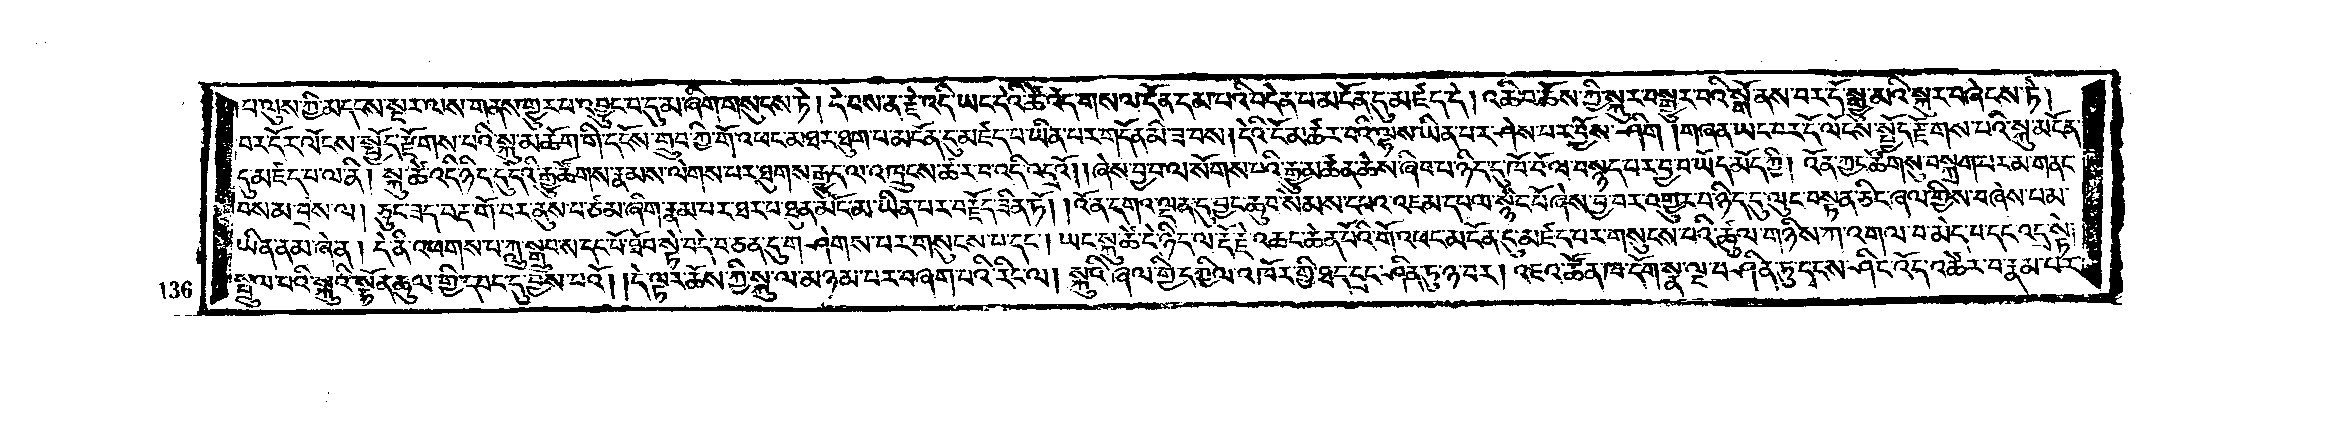པ་ལུས་ཀྱི་མདངས་སྔར་ལས་གནས་གྱུར་པ་འབྱུང་བ་དུ་མ་ཞིག་གསུངས་ཏེ། དེ་བས་ན་རྗེ་འདི་ཡང་དེའི་ཚེ་འོད་གསལ་དོན་དམ་པའི་བདེན་པ་མངོན་དུ་མཛད་དེ། འཆི་བ་ཆོས་ཀྱི་སྐུར་བསྒྱུར་བའི་སྒོ་ནས་བར་དོ་སྒྱུ་མའི་སྐུར་བཞེངས་ཏེ།
བར་དོར་ལོངས་སྤྱོད་རྫོགས་པའི་སྐུ་མཆོག་གི་དངོས་གྲུབ་ཀྱི་གོ་འཕང་མཐར་ཐུག་པ་མངོན་དུ་མཛད་པ་ཡིན་པར་གདོན་མི་ཟ་བས། དེའི་ངོ་མཚར་བའི་ལྷས་ཡིན་པར་ཤེས་པར་བྱོས་ཤིག །གཞན་ཡང་བར་དོ་ལོངས་སྤྱོད་རྫོགས་པའི་སྐུ་མངོན་
དུ་མཛད་པ་ལ་ནི། སྐུ་ཚེ་འདི་ཉིད་དུ་དེའི་རྒྱུ་ཚོགས་རྣམས་ལེགས་པར་ཐུགས་རྒྱུད་ལ་འཁྲུངས་ཚ་ར་བ་འདི་འདྲའོ། །ཞེས་བྱ་བ་ལ་སོགས་པའི་རྒྱུ་མཚན་ཆེས་ཞིབ་པ་ཉིད་དུ་ཁོ་བོ་ལ་བསྙད་པར་བྱ་བ་ཡོད་མོད་ཀྱི། འོན་ཀྱང་ཚོགས་སུ་བསྐྲག་པར་མ་གནང་
བསམ་བྲས་ལ། ཅུང་ཟད་བརྡ་གོ་བར་ནུས་པ་ཙམ་ཞིག་རྣམ་པར་ཐར་པ་ཐུན་མོང་མ་ཡིན་པར་བརྗོད་ཟིན་ཏོ། །འོ་ན་དགའ་ལྡན་དུ་བྱང་ཆུབ་སེམས་དཔའ་འཇམ་དཔལ་སྙིང་པོ་ཞེས་བྱ་བར་འགྱུར་བ་ཉིད་དུ་ལུང་བསྟན་ཅིང་ཞལ་གྱིས་བཞེས་པ་མ་
ཡིན་ནམ་ཞེ་ན། དེ་ནི་འཕགས་པ་ཀླུ་སྒྲུབ་ས་དང་པོ་ཐོབ་སྟེ་བདེ་བ་ཅན་དུ་གཤེགས་པར་གསུངས་པ་དང་། ཡང་སྐུ་ཚེ་དེ་ཉིད་ལ་རྡོ་རྗེ་འཆང་ཆེན་པོའི་གོ་འཕང་མངོན་དུ་མཛད་པར་གསུངས་པའི་ཚུལ་གཉིས་ཀ་འགལ་བ་མེད་པ་དང་འདྲ་སྟེ།
སྤྲུལ་པའི་སྐུའི་སྟོན་ཚུལ་གྱི་དབང་དུ་བྱས་པའོ། །དེ་ལྟར་ཆོས་ཀྱི་སྐུ་ལ་མཉམ་པར་བཞག་པའི་རིང་ལ། སྐུའི་ཞལ་གྱི་དཀྱིལ་འཁོར་གྱི་ཐད་དྲང་ཤིན་ཏུ་ཉ་བར། འཇའ་ཚོན་ཁ་དོག་སྣ་ལྔ་པ་ཤིན་ཏུ་དྭངས་ཤིང་འོད་འཚེར་བ་རྣམ་པར་